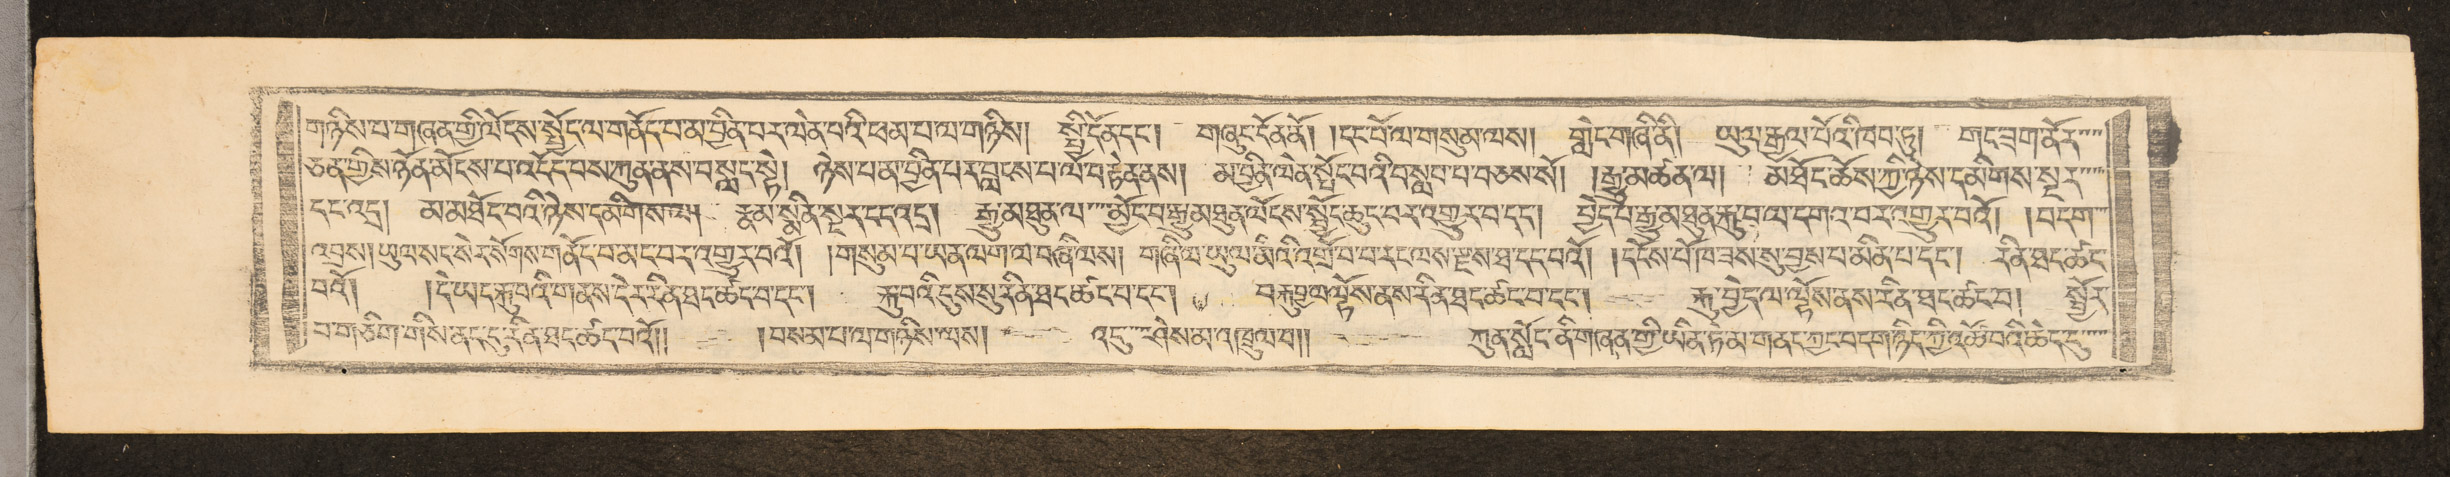གཉིས་པ་གཞན་གྱི་ལོངས་སྤྱོད་ལ་གནོད་པ་མ་བྱིན་པར་ལེན་པའི་ཕམ་པ་ལ་གཉིས། སྤྱི་དོན་དང་། གཞུང་དོན་ནོ། །དང་པོ་ལ་གསུམ་ལས། གླེང་གཞི་ནི། ཡུལ་རྒྱལ་པོའི་ཁབ་ཏུ། གང་ཟག་ནོར་
ཅན་གྱིས་ཉོན་མོངས་པ་འདོད་པས་ཀུན་ནས་བསླང་སྟེ། ཉེས་པ་མ་བྱིན་པར་བླངས་པ་ལ་བརྟེན་ནས། མ་བྱིན་ལེན་སྤོང་བའི་བསླབ་པ་བཅས་སོ། །རྒྱུ་མཚན་ལ། མཐོང་ཆོས་ཀྱི་ཉེས་དམིགས་སྔར་དང་འདྲ། མ་མཐོང་བའི་ཉེས་དམིགས་ལ། རྣམ་སྨིན་སྔར་
དང་འདྲ། རྒྱུ་མཐུན་ལ་མྱོང་པ་རྒྱུ་མཐུན་ལོངས་སྤྱོད་ཆུད་བར་འགྱུར་བ་དང་། བྱེད་པ་རྒྱུ་མཐུན་རྐུ་བ་ལ་དགའ་བར་འགྱུར་བའོ། །བདག་
འབྲས། ཡུལ་སར་སེར་སོགས་གནོད་པ་མང་བར་འགྱུར་བའོ། །གསུམ་པ་ཡན་ལག་ལ་བཞི་ལས། གཞི་ལ་ཡུལ་མིའི་འགྲོ་བ་པ་རང་ལས་རྫས་ཐ་དད་པའོ། །དངོས་པོ་ཁ་ཟས་སུ་བྱས་པ་མིན་པ་དང་། རིན་ཐད་ཚང་
བའོ། །དེ་ཡང་རྐུ་བའི་གནས་དེར་རིན་ཐང་ཚང་བ་དང་། རྐུ་བའི་དུས་སུ་རིན་ཐད་ཚང་བ་དང་། བརྐུ་བྱ་ལ་ལྟོས་ནས་རིན་ཐད་ཚང་བ་དང་། རྐུ་བྱེད་ལ་ལྟོས་ནས་རིན་ཐང་ཚང་བ། སྦྱོར་
བ་གཅིག་གིས་ནང་དུ་རིན་ཐང་ཚང་བའོ། །བསམ་པ་ལ་གཉིས་ལས། འདུ་ཤེས་མ་འཁྲུལ་བ། ཀུན་སློང་ནི་གཞན་གྱི་ཡིན་ཏེ་མ་གནང་ཀྱང་བདག་ཉིད་ཀྱི་འཚོ་བའི་ཆེད་དུ་